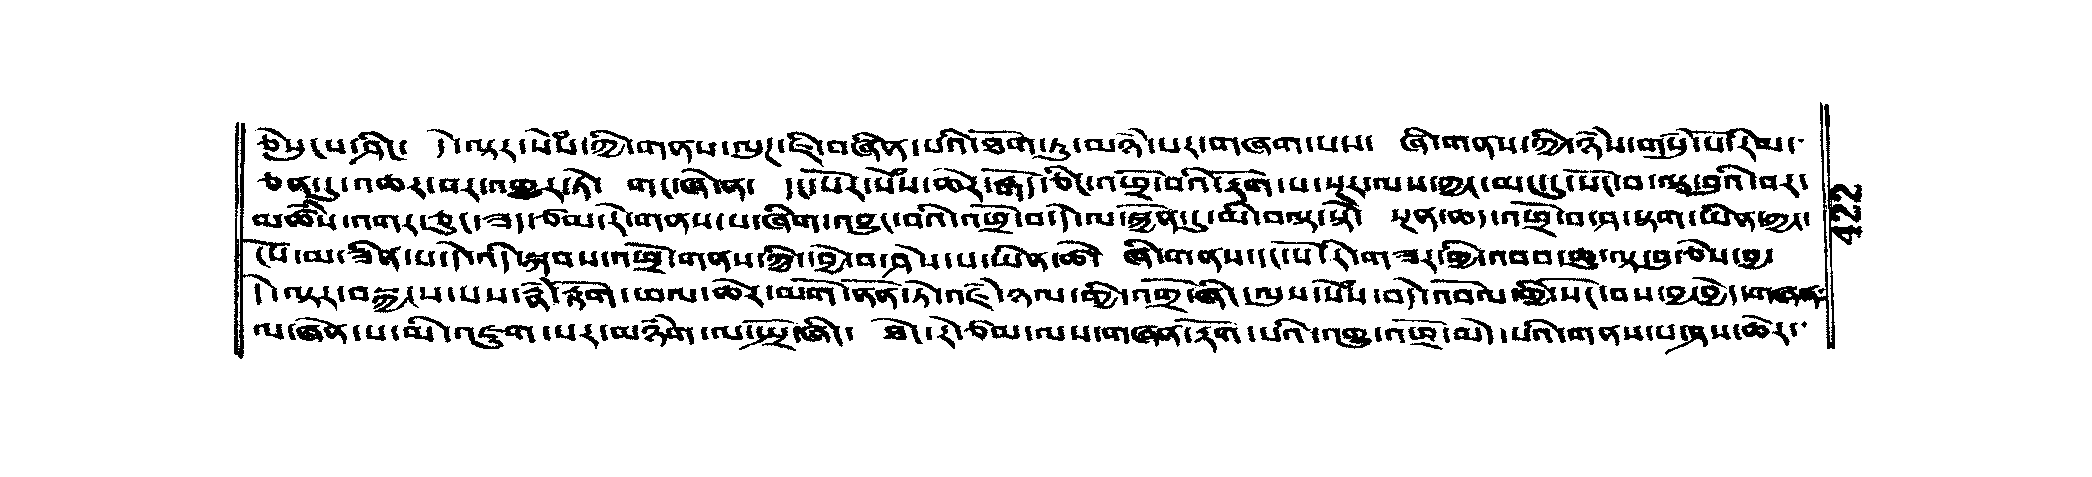ཅེས་གསུངས་ཤིང་། དེ་ལྟར་སེམས་ཀྱི་གནས་ལུགས་ཇི་བཞིན་པའི་ཐོག་ཏུ་མཉམ་པར་གཞག་པས། ཞི་གནས་ཀྱི་ཉམས་གསུམ་པོ་རིམ་
ཅན་དུ་འཆར་བར་འགྱུར་ཏེ། གང་ཞེ་ན། དང་པོར་སེམས་ཆེར་རྒོད་ཅིང་འཕྲོ་བའི་རྟོག་པ་སྔར་ལས་ཀྱང་མང་དུ་སོང་བ་ལྟ་བུའི་བར་
མཚམས་འགར་ཅུང་ཟད་ཙམ་རེ་གནས་པ་ཞིག་འབྱུང་བའི་འཕྲོ་བ་དེ་ལ་སྐྱོན་དུ་མི་བལྟ་སྟེ། སྔོན་ཆད་འཕྲོ་བ་ཤ་སྟག་ཡིན་ཀྱང་
ངོས་མ་ཟིན་པ་དེ་འདི་སྐབས་འཕྲོ་གནས་ཀྱི་དབྱེ་བ་ཤེས་པ་ཡིན་ཚེ། ཞི་གནས་དང་པོ་རི་གཟར་གྱི་འབབ་ཆུ་ལྟ་བུ་ཞེས་བྱ། 
དེ་ལྟར་བསྐྱངས་པས་རྣམ་རྟོག་ཕལ་ཆེར་མགོ་ནོན་ཏེ་འཇམ་ཉལ་གྱི་འགྲོ་ཞིང་ལུས་སེམས་བདེ་འབོལ་གྱི་སོང་བས་བྱ་བྱེད་གཞན་
ལ་ཞེན་པ་མི་འཇུག་པར་མཉམ་བཞག་ལ་སྤྲོ་ཞིང་། ཐེངས་རེ་ཙམ་ལས་གཞན་རྟོག་པའི་འགྱུ་འཕྲོ་མེད་པའི་གནས་པ་ཤས་ཆེར་